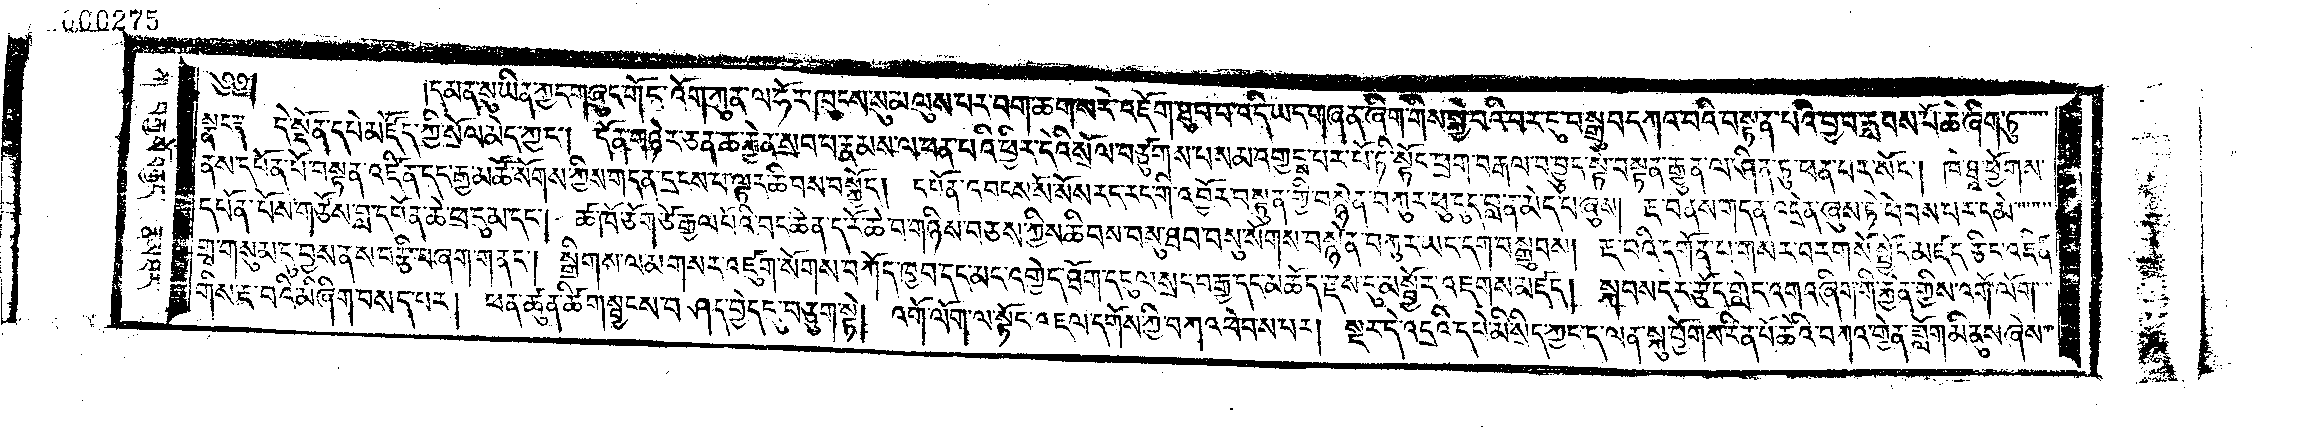༄༅། །དམན་སུ་ཡིན་ཀྱང་གཞུང་གོང་འོག་ཀུན་ལ་ཧོར་ཁུངས་སུམ་ལུས་པར་བག་ཆགས་རེ་འཇོག་ཐུབ་པ་འདི་ཡང་གཞན་ཞིག་གིས་སྐྱེ་བའི་བར་དུ་བསྒྲུབ་དཀའ་བའི་བསྟན་པའི་བྱ་བརླབས་པོ་ཆེ་ཞིག་ཏུ་
སྣང༑ དེ་སྔོན་དཔེ་མཛོད་ཀྱི་སྲོལ་མེད་ཀྱང་། དོན་གཉེར་ཅན་ཆ་རྐྱེན་སྲབ་པ་རྣམས་ལ་ཕན་པའི་ཕྱིར་དེའི་སྲོལ་བཙུགས་པས་མ་འགྱངས་པར་པོ་ཏི་སྟོང་ཕྲག་བརྒལ་བ་བྱུང་སྟེ་བསྟན་རྒྱུན་ལ་ཤིན་ཏུ་ཕན་པར་སོང་། ཁེ་ཐཱ་ཕྱོགས་
ནས་དཔོན་པོ་བསྟན་འཛིན་དང་རྒྱ་མཚོ་སོགས་ཀྱིས་གདན་དྲངས་བ་ལྟར་ཆིབས་བསྐྱོད། དཔོན་འབངས་སོ་སོས་རང་རང་གི་འབྱོར་བསྟུན་གྱི་བསྙེན་བཀུར་ཕུ་དུད་བླ་ན་མེད་པ་ཞུས། རྔ་བ་ནས་གདན་འདྲེན་ཞུས་ཏེ་ཕེབས་པར་ད་མེ་
དཔོན་པོས་གཙོས་བླ་དཔོན་ཆེ་ཕྲ་དུ་མ་དང་། ཚ་ཁོ་ཅོག་ཙེ་རྒྱལ་པོའི་བང་ཆེན་ད་རོ་ཆེ་བ་གཉིས་བཅས་ཀྱིས་ཆིབས་བསུ་ཐབ་བསུ་སོགས་བསྙེན་བཀུར་ཡང་དག་བསྒྲུབས། རྔ་བའི་དགོན་པ་གསར་བར་གསོ་སྦྱོང་མཛད་ཅིང་འཛིན་
གྲྭ་གསུམ་དུ་བྱས་ནས་བརྩི་བཞག་གནང་། སྒྲིགས་ལམ་གསར་འཛུགས་སོགས་བཀོད་ཁྱབ་དང་མང་འགྱེད་ཐོག་དངུལ་སྲང་བརྒྱ་དང་མཆོད་རྫས་དུ་མ་སྦྱོར་འཇགས་མཛད། སྐབས་དེར་རྩོད་གླེང་འགའ་ཞིག་གི་རྐྱེན་གྱིས་འོག་ལོག་
གིས་རྔ་བའི་མི་ཞིག་བསད་པར། ཕན་ཚུན་ཚིག་སྦྱངས་བཤད་བྱེད་དུ་བཅུག་སྟེ། འགོ་ལོག་ལ་སྟོང་འཇལ་དགོས་ཀྱི་བཀའ་ཕེབས་པར། སྔར་དེ་འདྲའི་དཔེ་མི་སྲིད་ཀྱང་ད་ལན་སྐུ་ཕྱོགས་རིན་པོ་ཆེའི་བཀའ་གྱེན་ཟློག་མི་ནུས་ཞེས་